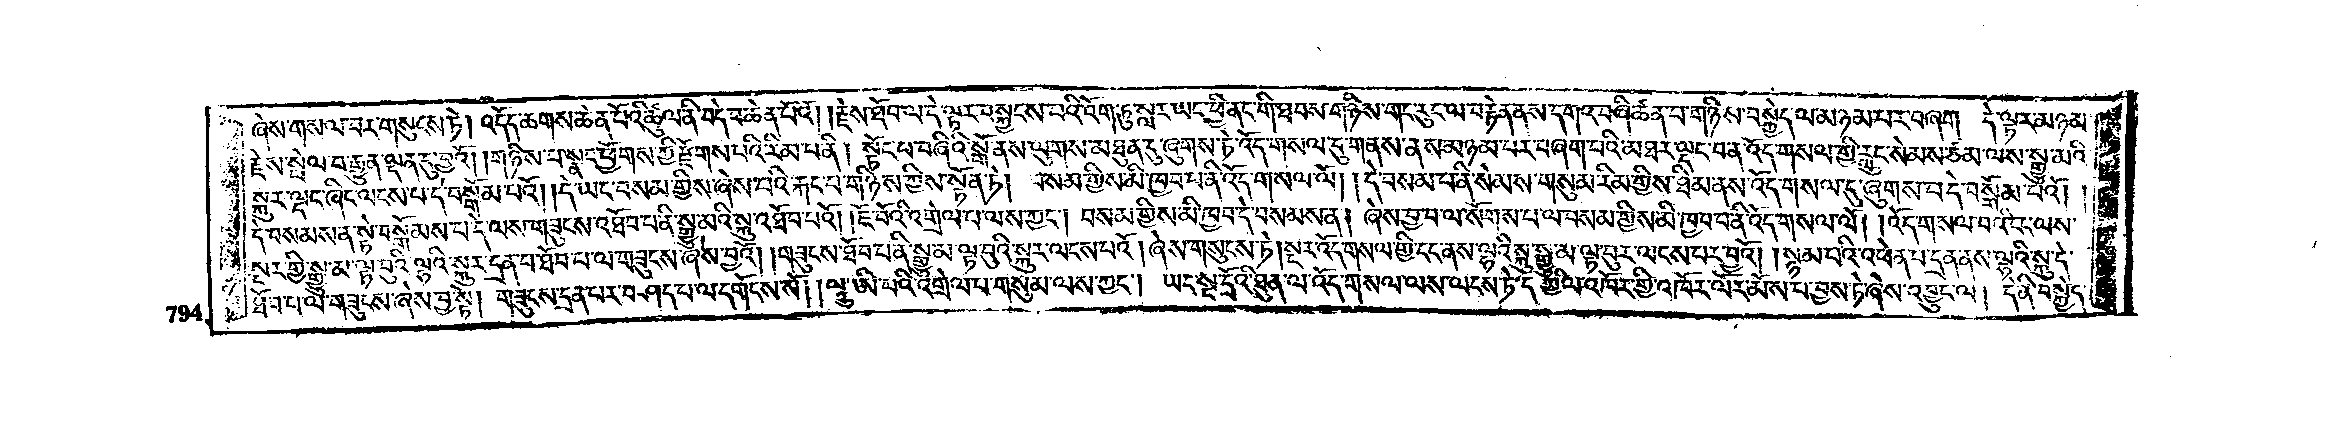ཞེས་གསལ་བར་གསུངས་ཏེ། འདོད་ཆགས་ཆེན་པོའི་ཚུལ་ནི་བདེ་བ་ཆེན་པོའོ། །རྗེས་ཐོབ་ལ་དེ་ལྟར་བསྐྱངས་པའི་འོག་ཏུ་སླར་ཡང་ཕྱི་ནང་གི་ཐབས་གཉིས་གང་རུང་ལ་བརྟེན་ནས་དགའ་བཞི་ཚན་པ་གཉིས་བསྐྱེད་ལ་མཉམ་པར་བཞག །དེ་ལྟར་མཉམ་
རྗེས་སྤེལ་བ་རྒྱུན་ལྡན་དུ་བྱའོ། །གཉིས་པ་སྣང་ཕྱོགས་ཀྱི་རྫོགས་པའི་རིམ་པ་ནི། སྟོང་པ་བཞིའི་སྒོ་ནས་ལུགས་མཐུན་དུ་ཞུགས་ཏེ་འོད་གསལ་དུ་གནས་ནས་མཉམ་པར་བཞག་པའི་མཐར་ལྡང་བ་ན་འོད་གསལ་གྱི་རླུང་སེམས་ཙམ་ལས་སྒྱུ་མའི་
སྐུར་ལྡང་ཞིང་ལངས་པ་དེ་བསྒོམ་པའོ། །དེ་ཡང་བསམ་གྱིས་ཞེས་པའི་རྐང་པ་གཉིས་ཀྱིས་སྟོན་ཏེ། བསམ་གྱིས་མི་ཁྱབ་པ་ནི་འོད་གསལ་ལོ། །དེ་བསམ་པ་ནི་སེམས་གསུམ་རིམ་གྱིས་ཐིམ་ནས་འོད་གསལ་དུ་ཞུགས་པ་དེ་བསྒོམ་པའོ། །
དེ་བསམས་ན་སྟེ་བསྒོམས་པ་དེ་ལས་གཟུངས་འཐོབ་པ་ནི་སྒྱུ་མའི་སྐུ་འཐོབ་པའོ། །ཇོ་བོའི་འགྲེལ་པ་ལས་ཀྱང་། བསམ་གྱིས་མི་ཁྱབ་དེ་བསམས་ན། ཞེས་བྱ་བ་ལ་སོགས་པ་ལ་བསམ་གྱིས་མི་ཁྱབ་པ་ནི་འོད་གསལ་ལོ། །འོད་གསལ་བའི་ངང་ལས་
སྔར་གྱི་སྒྱུ་མ་ལྟ་བུའི་ལྷའི་སྐུར་དྲན་པ་ཐོབ་པ་ལ་གཟུངས་ཞེས་བྱའོ། །གཟུངས་ཐོབ་པ་ནི་སྒྱུ་མ་ལྟ་བུའི་སྐུར་ལངས་པའོ། ཞེས་གསུངས་ཏེ། སྔར་འོད་གསལ་གྱི་ངང་ནས་ལྷའི་སྐུ་སྒྱུ་མ་ལྟ་བུར་ལངས་པར་བྱའོ། །སྙམ་པའི་འཕེན་པ་དྲན་ནས་ལྷའི་སྐུ་དེ་
ཐོབ་པ་ལ་གཟུངས་ཞེས་བྱ་སྟེ། གཟུངས་དྲན་པར་བཤད་པ་ལ་དགོངས་སོ། །ལཱུ་ཨི་པའི་འགྲེལ་པ་གསུམ་ལས་ཀྱང་། ཡང་སྔ་དྲོའི་ཐུན་ལ་འོད་གསལ་ལས་ལངས་ཏེ་དཀྱིལ་འཁོར་གྱི་འཁོར་ལོར་མོས་པ་བྱས་ཏེ་ཞེས་འབྱུང་ལ། དེ་ནི་བསྐྱེད་